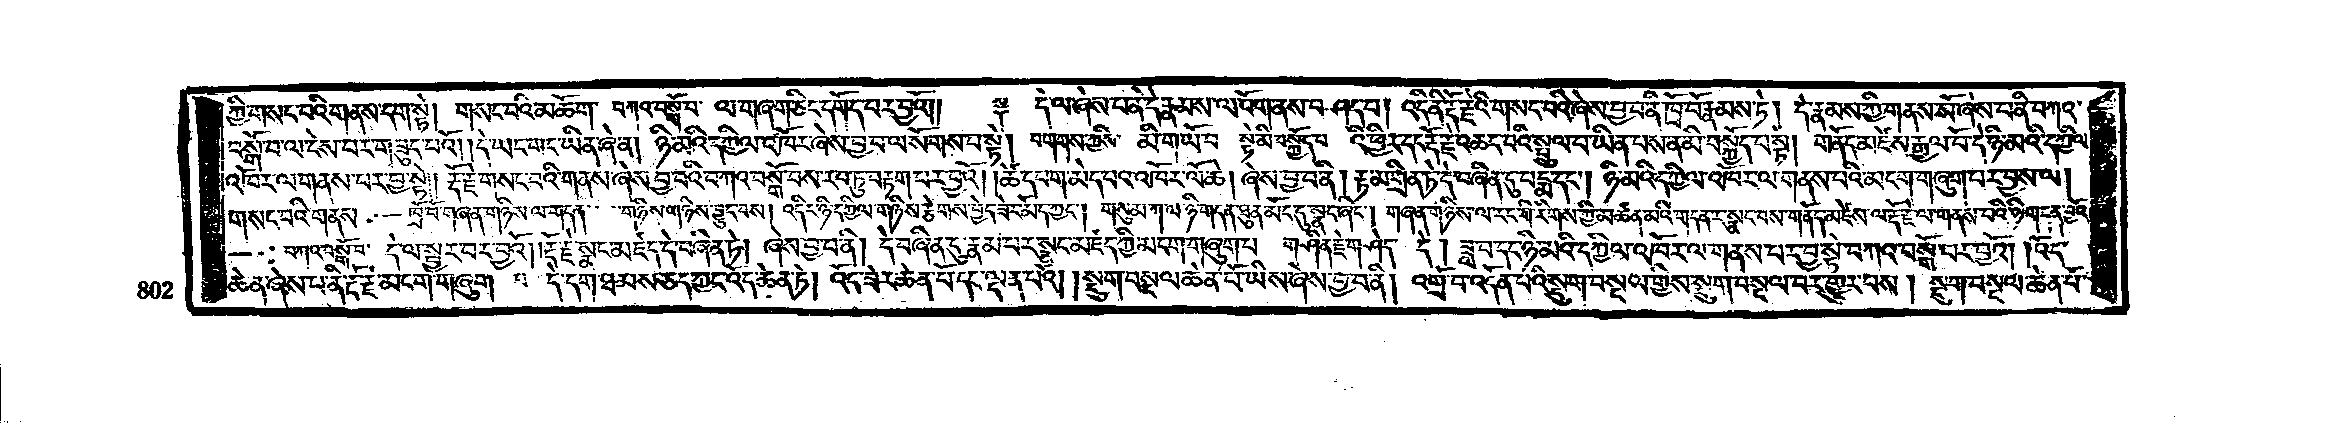ཀྱི་གསང་བའི་གནས་དག་སྟེ། གསང་བའི་མཆོག་བཀའ་བསྒོ་བ་ལ་གཞག་ཅིང་དགོད་པར་བྱའོ།། ༈ དེ་ལ་ཞེས་པ་ནི་དེ་རྣམས་ལ་འོག་ནས་བཤད་པ། འདི་ནི་རྡོ་རྗེའི་གསང་བའི་ཞེས་བྱ་བ་ནི་ཁྲོ་བོ་རྣམས་ཏེ། དེ་རྣམས་ཀྱི་གནས་སོ་ཞེས་པ་ནི་བཀའ་
བསྒོ་བ་ལ་ངེས་པར་གཟུང་པའོ། །དེ་ཡང་གང་ཡིན་ཞེ་ན། ཉི་མའི་དཀྱིལ་འཁོར་ཞེས་བྱ་བ་ལ་སོགས་པ་སྟེ། བགགས་ཀྱིས་མི་གཡོ་བ་སྟེ་མི་བསྐྱོད་པའི་ཕྱིར་དང་རྡོ་རྗེ་འཆང་བའི་སྤྲུལ་བ་ཡིན་པས་ན་མི་བསྐྱོད་པ་སྟེ། གནོད་མཛེས་རྒྱལ་པོ་དེ་ཉི་མའི་དཀྱིལ་
འཁོར་ལ་གནས་པར་བྱ་སྟེ། རྡོ་རྗེ་གསང་བའི་གནས་ཞེས་བྱ་བའི་བཀའ་བསྒོ་བས་རབ་ཏུ་བརྟག་པར་བྱའོ། །ཚེ་དཔག་མེད་པའི་འཁོར་ལོ་ཆེ། ཞེས་བྱ་བ་ནི། རྟ་མགྲིན་ཏེ་དེ་བཞིན་དུ་པདམ་དང་། ཉི་མའི་དཀྱིལ་འཁོར་ལ་གནས་པའི་མངག་གཞུག་པར་བྱས་ལ།
གསང་བའི་གནས་H.་ཁྲོ་བོ་གཞན་གཉིས་ལ་གདན་གཉིས་གཉིས་བྱུང་བས། འདིར་ཉི་དཀྱིལ་གཉིས་རྩེགས་བྱེད་ཟེར་མོད་ཀྱང་། གསུམ་ཀ་ལ་ཉི་གདན་ཐུན་མོང་དུ་སྣང་ཞིང་། གཞན་གཉིས་ལ་རང་གི་རིགས་ཀྱི་མཚན་མའི་གདན་རེ་སྣང་བས་གནོད་མཛེས་ལ་རྡོ་རྗེ་ལ་གནས་པའི་ཉི་གདན་བྱའོ་
.H བཀའ་བསྒོ་བ་དེ་ལ་སྦྱར་བར་བྱའོ། །རྡོ་རྗེ་སྣང་མཛད་དེ་བཞིན་ཏེ། ཞེས་བྱ་བ་ནི། དེ་བཞིན་དུ་རྣམ་པར་སྣང་མཛད་ཀྱི་མངག་གཞུག་པ་གཤིན་རྗེ་གཤེད་དེ། ཟླ་བ་དང་ཉི་མའི་དཀྱིལ་འཁོར་ལ་གནས་པར་བྱ་སྟེ་བཀའ་བསྒོ་བར་བྱའོ། །འོད་
ཆེན་ཞེས་པ་ནི་རྡོ་རྗེ་མངག་གཞུག་པ་དེ་དག་ཐམས་ཅད་ཀྱང་འོད་ཆེན་ཏེ། འོད་ཟེར་ཆེན་པོ་དང་ལྡན་པའོ། །སྡུག་བསྔལ་ཆེན་པོ་ཡིས་ཞེས་བྱ་བ་ནི། འགྲོ་བ་འདོན་པའི་སྡུག་བསྔལ་གྱིས་སྡུག་བསྔལ་བར་གྱུར་པས། སྡུག་བསྔལ་ཆེན་པོ་